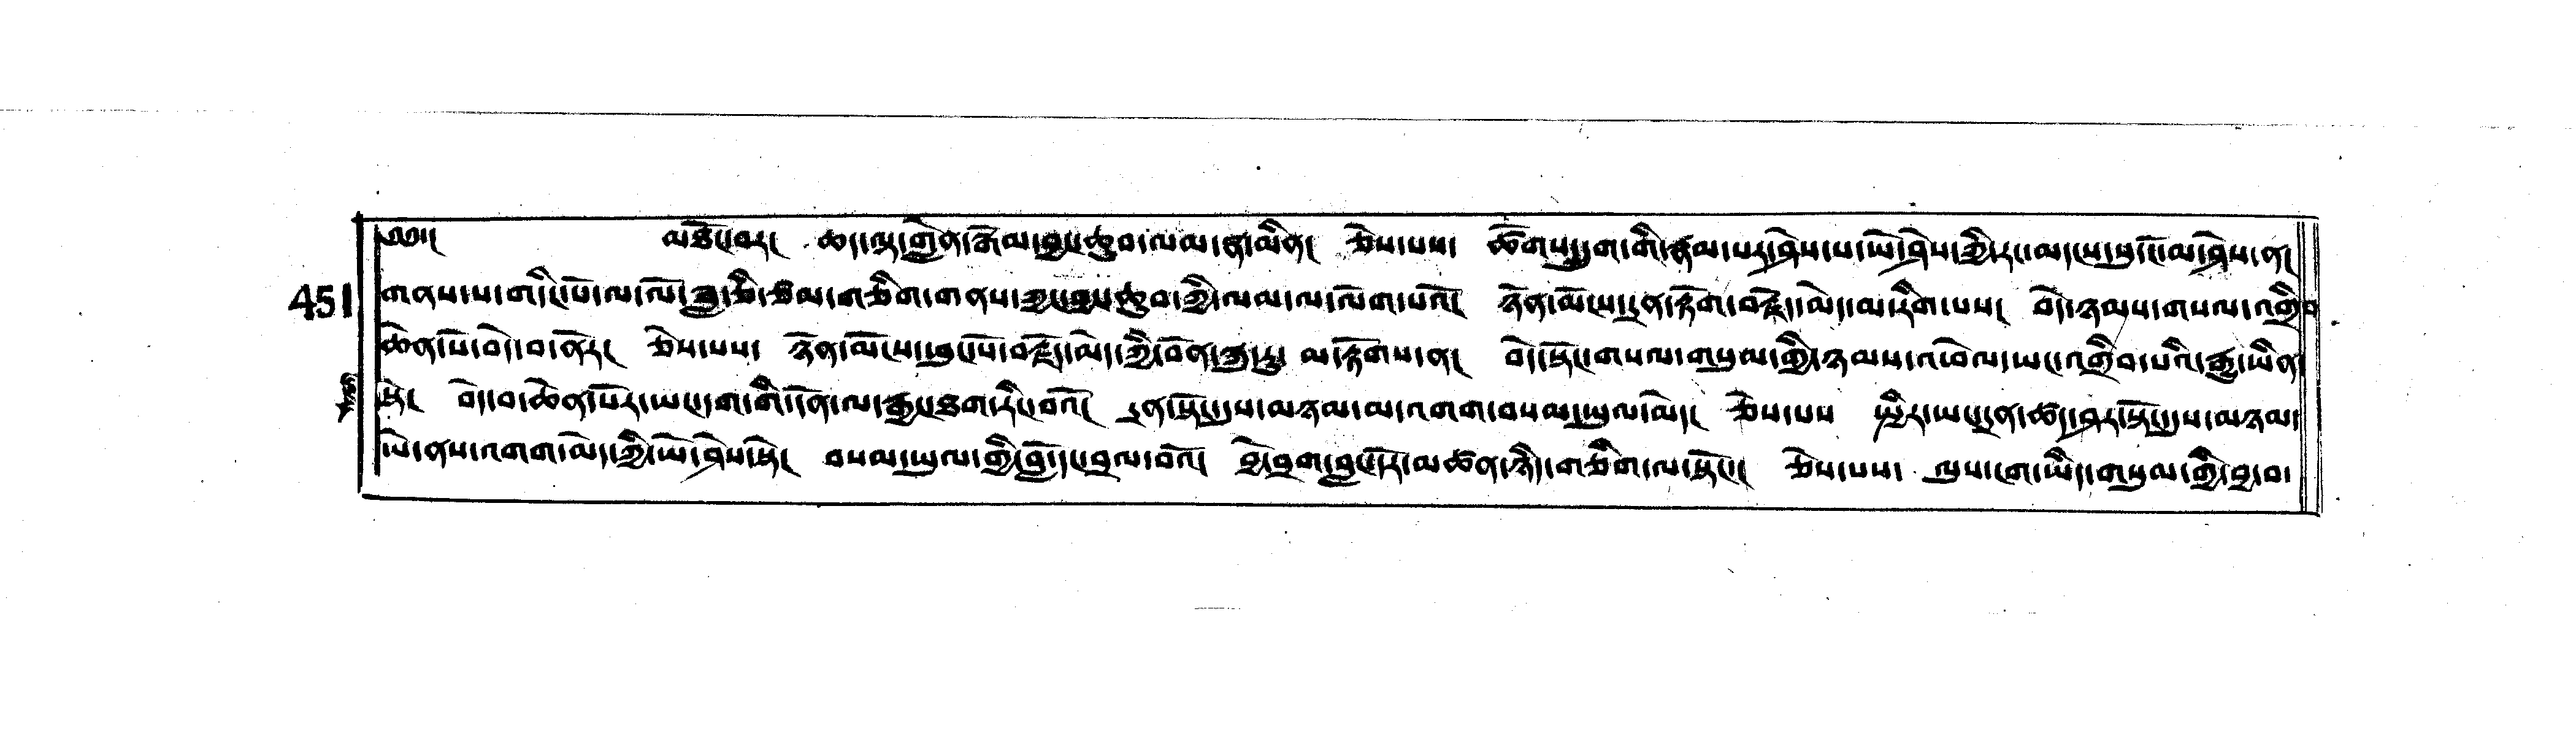མཐོང་བར། ཆད་ལྟ་གླེན་སྒོམ་བྱང་ཆུབ་ལམ་ན་མིན། ཅེས་པས། ཚོགས་དྲུག་གི་རྣམ་པར་ཤེས་པ་ཡེ་ཤེས་ཀྱི་རང་མདངས་སུ་ངོ་མ་ཤེས་ན། 
གནས་ས་གདིང་པོ་ལ་ལོ་ཟླ་ཅི་ཙམ་གཅིག་གནས་ཀྱང་བྱང་ཆུབ་ཀྱི་ལམ་ལས་ལོག་པའོ། ཉོན་མོངས་དྲན་རྟོག་བརྗོད་མེད་མ་རིག་པས། བདེ་ཉམས་གསལ་འགྲིབ་
ཆེན་པོ་བདེ་བ་ནོར། ཅེས་པས། ཉོན་མོངས་ཕུང་པོ་བརྗོད་མེད་ཀྱི་བོན་སྐུ་རུ་མ་རྟོགས་ན། བདེ་སྟོང་གསལ་གསུམ་གྱི་ཉམས་འཕེལ་ཡང་འགྲིབ་པའི་རྒྱུ་ཡིན་
ཏེ། བདེ་བ་ཆེན་པོར་ཡང་དག་གི་དོན་ལ་རྒྱང་ཐག་རིང་བའོ། དྲན་སྟོང་དུས་མཉམ་མ་འགག་བསམ་ཡུལ་མེད། སྤྱིར་ཡང་དྲན་ཚད་ཤར་སྟོང་དུས་མཉམ་
ཡེ་ནས་འགག་མེད་ཀྱི་ཡེ་ཤེས་ཏེ། བསམ་ཡུལ་གྱི་བློ་དང་བྲལ་བའོ། བྱེ་བྲག་བླང་དོར་མཚན་ཉིད་གཅིག་ལ་སྟོང་། ཅེས་པས། ལུས་ངག་ཡིད་གསུམ་གྱི་བྱ་བ་